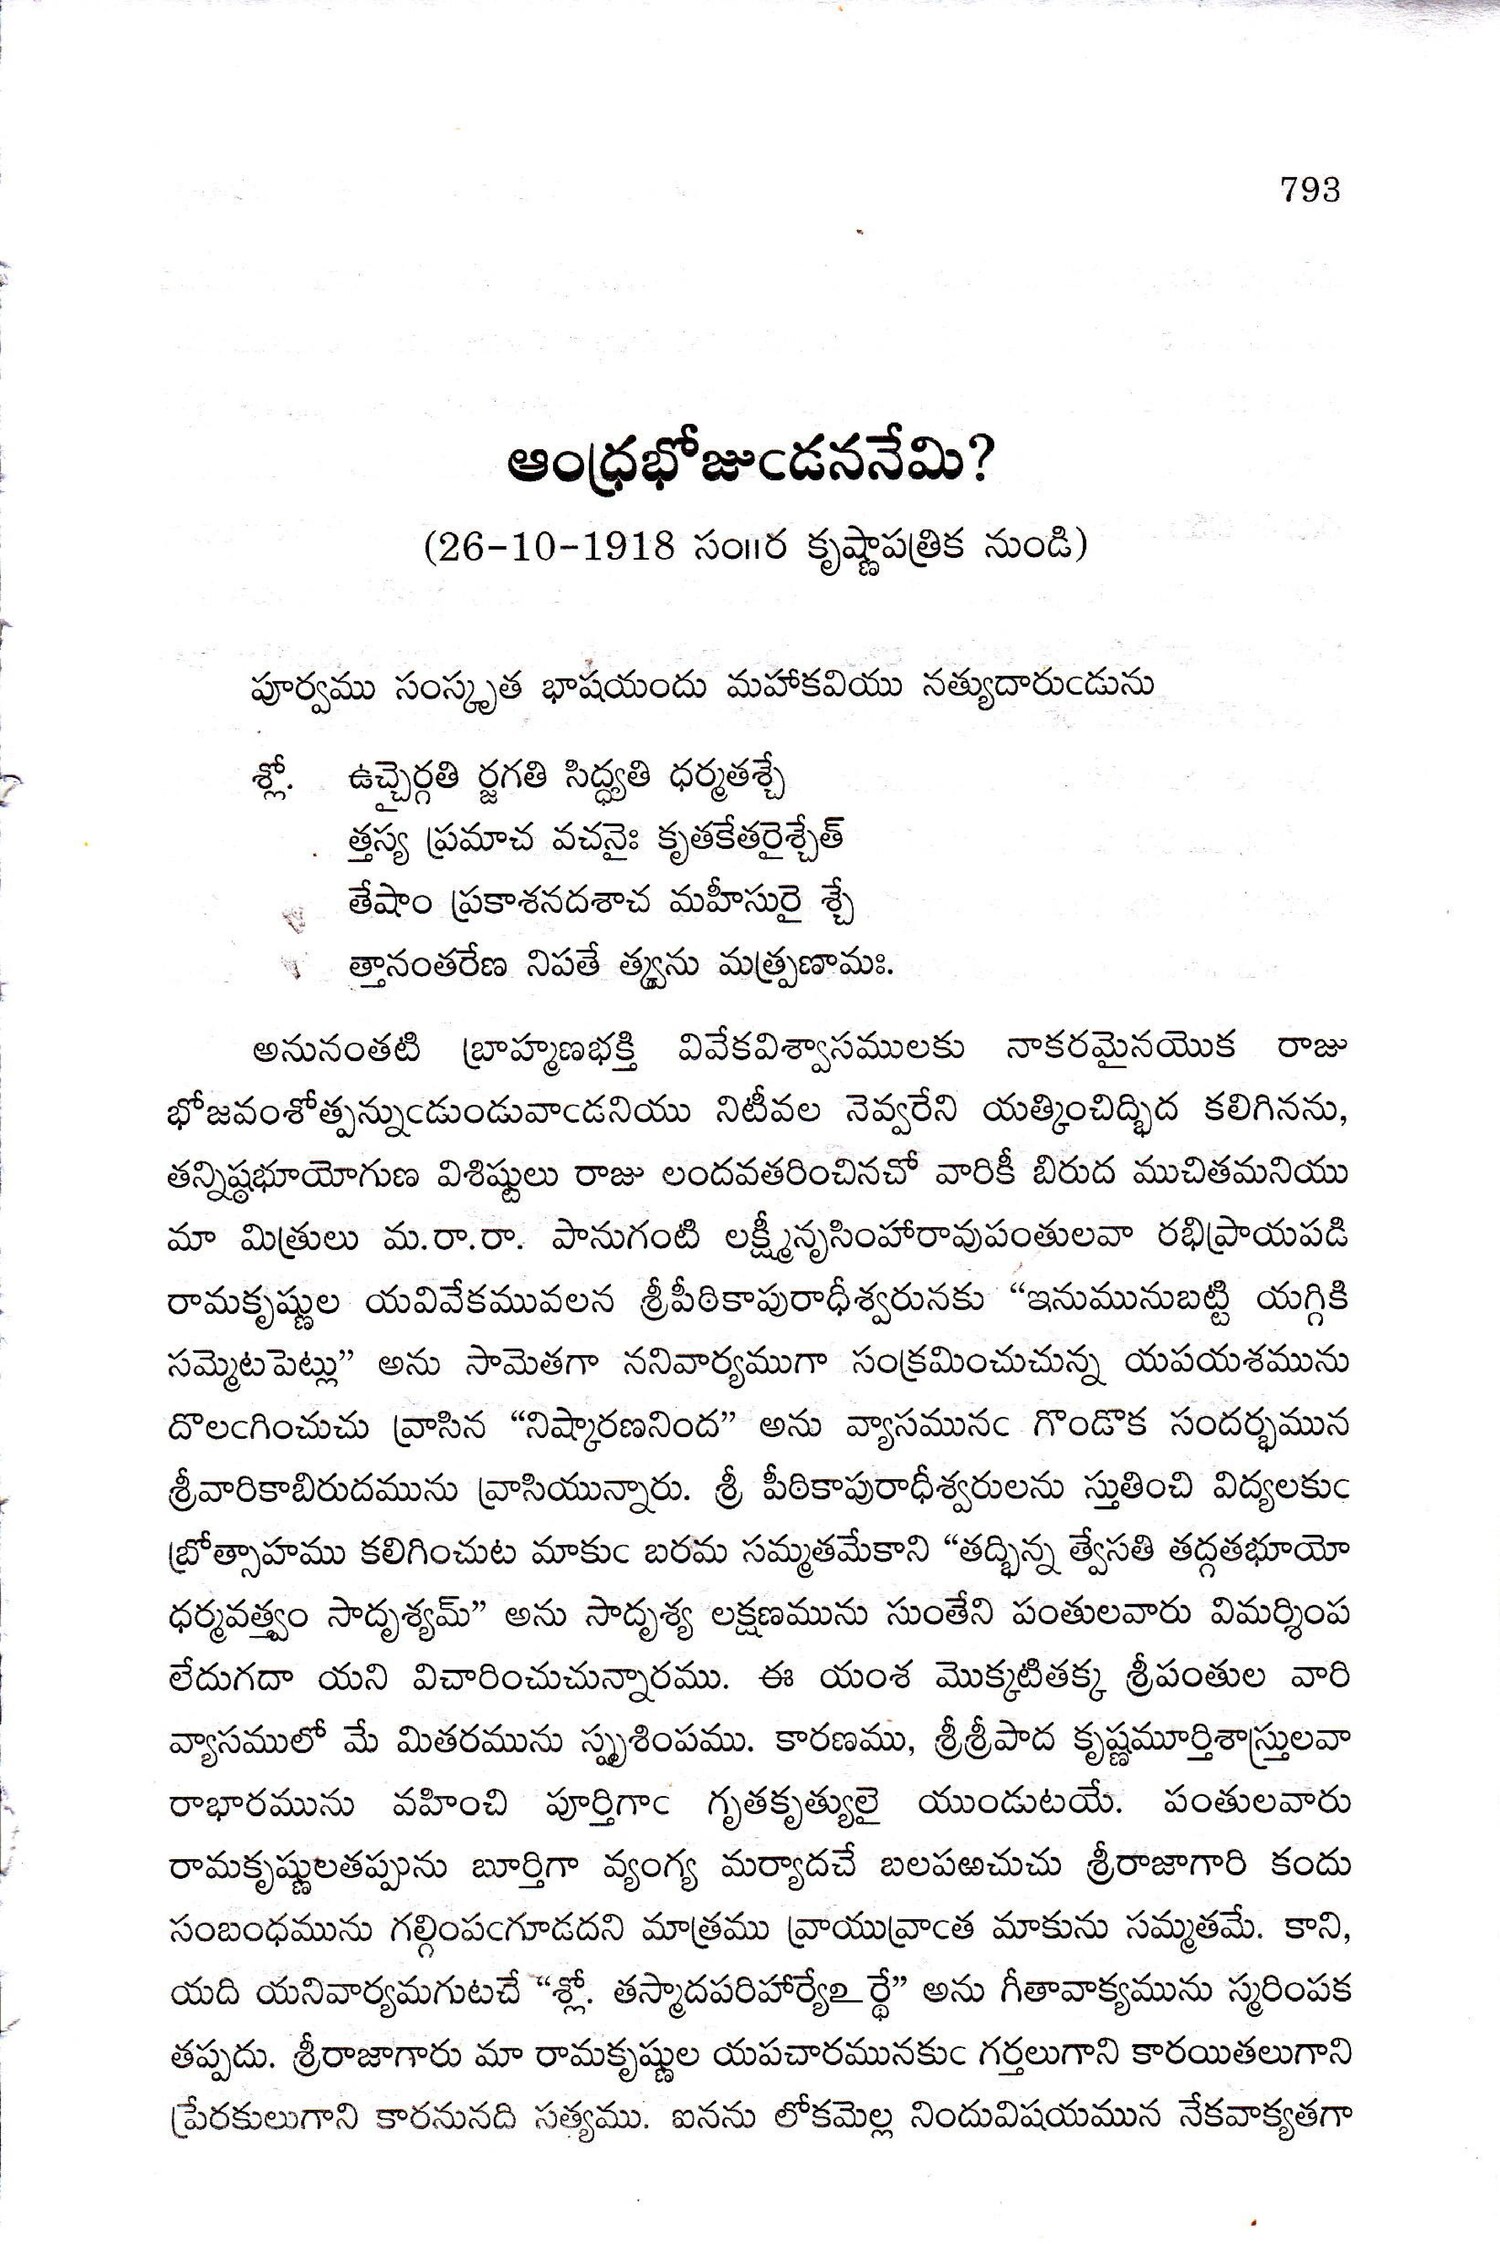ఆంధ్రభోజుఁడననేమి?
(26-10-1918 సం||ర కృష్ణాపత్రిక నుండి)

పూర్వము సంస్కృత భాషయందు మహాకవియు నత్యుదారుఁడును

శ్లో. ఉచ్చైర్గతి ర్జగతి సిద్ధ్యతి ధర్మతశ్చే
 త్తస్య ప్రమాచ వచనైః కృతకేతరైశ్చేత్ 
 తేషాం ప్రకాశనదశాచ మహీసురై శ్చే
 త్తానంతరేణ నిపతే త్క్వను మత్ర్పణామః.
అనునంతటి బ్రాహ్మణభక్తి వివేకవిశ్వాసములకు నాకరమైనయెుక రాజు భోజవంశోత్పన్నుఁడుండువాఁడనియు నిటీవల నెవ్వరేని యత్కించిద్బిద కలిగినను, తన్నిష్ఠభూయోగుణ విశిష్టులు రాజు లందవతరించినచో వారికీ బిరుద ముచితమనియు మా మిత్రులు మ.రా.రా. పానుగంటి లక్ష్మీనృసింహారావుపంతులవా రభిప్రాయపడి రామకృష్ణుల యవివేకమువలన శ్రీపీఠికాపురాధీశ్వరునకు "ఇనుమునుబట్టి యగ్గికి సమ్మెటపెట్లు" అను సామెతగా ననివార్యముగా సంక్రమించుచున్న యపయశమును దొలఁగించుచు వ్రాసిన "నిష్కారణనింద" అను వ్యాసమునఁ గొండొక సందర్భమున శ్రీవారికాబిరుదమును వ్రాసియున్నారు. శ్రీ పీఠికాపురాధీశ్వరులను స్తుతించి విద్యలకుఁ బ్రోత్సాహము కలిగించుట మాకుఁ బరమ సమ్మతమేకాని “తద్భిన్న త్వేసతి తద్గతభూయో ధర్మవత్త్వం సాదృశ్యమ్" అను సాదృశ్య లక్షణమును సుంతేని పంతులవారు విమర్శింప లేదుగదా యని విచారించుచున్నారము. ఈ యంశ మొక్కటితక్క శ్రీపంతుల వారి వ్యాసములో మే మితరమును సృశింపము. కారణము, శ్రీశ్రీపాద కృష్ణమూర్తిశాస్త్రులవా రాభారమును వహించి పూర్తిగాఁ గృతకృత్యులై యుండుటయే. పంతులవారు రామకృష్ణులతప్పును బూర్తిగా వ్యంగ్య మర్యాదచే బలపఱచుచు శ్రీరాజాగారి కందు సంబంధమును గల్గింపఁగూడదని మాత్రము వ్రాయువ్రాఁత మాకును సమ్మతమే. కాని, యది యనివార్యమగుటచే "శ్లో. తస్మాదపరిహార్యే౽ర్థే" అను గీతావాక్యమును స్మరింపక తప్పదు. శ్రీరాజాగారు మా రామకృష్ణుల యపచారమునకుఁ గర్తలుగాని కారయితలుగాని ప్రేరకులుగాని కారనునది సత్యము. ఐనను లోకమెల్ల నిందువిషయమున నేకవాక్యతగా